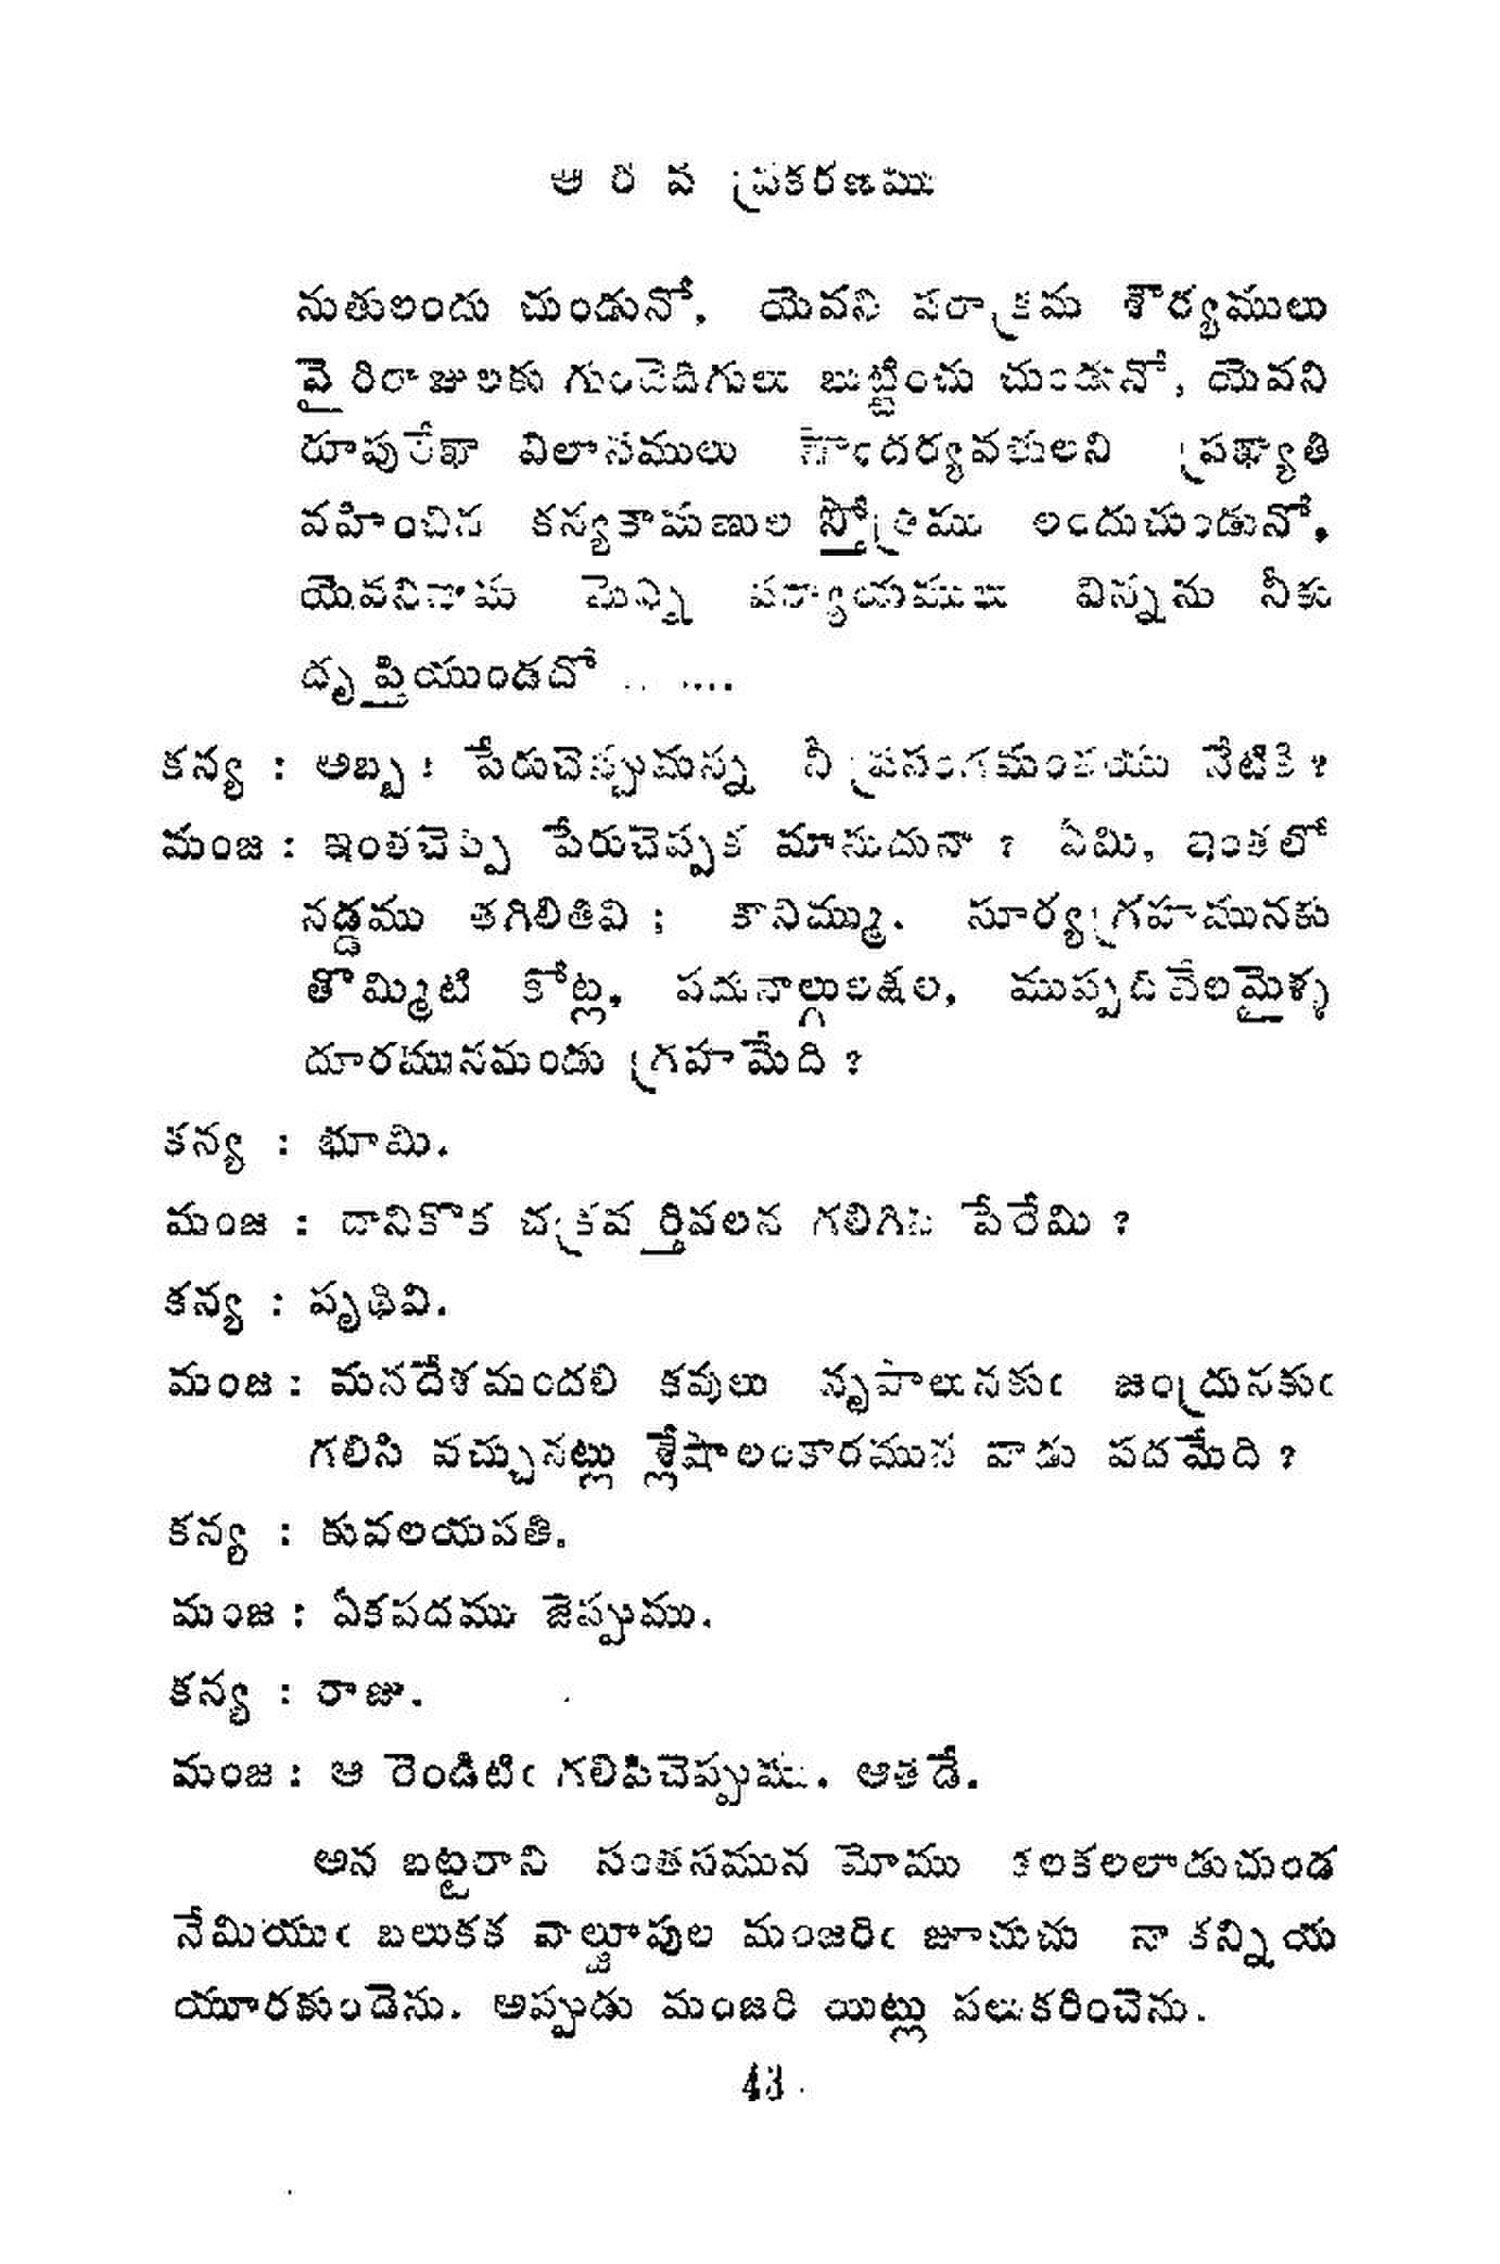నుతులందు చుండునో, యెవని పరాక్రమ శౌర్యములు వైరిరాజులకు గుండెదిగులు జుట్టించు చుండునో, యెవని రూపురేఖా విలాసములు సౌందర్యవతులని ప్రఖ్యాతి వహించిన కస్యకామణుల స్తోత్రము లందుచుండునో, యెవనినామ మెన్ని పర్యాయములు విన్నను నీకు దృప్తియుండదో ....... 

కన్య : అబ్బ ! పేరుచెప్పుచున్న నీ ప్రసంగమంతయు నేటికి? 

మంజ : ఇంతచెప్పి పేరుచెప్పక మానుదునా? ఏమి, ఇంతలో నడ్డము తగిలితివి ; కానిమ్ము. సూర్యగ్రహమునకు తొమ్మిటి కోట్ల, పదునాల్గులక్షల, ముప్పదివేలమైళ్ళ దూరముననుండు గ్రహమేది? 

కన్య : భూమి. 

మంజ : దానికొక చక్రవర్తివలన గలిగిన పేరేమి ? 

కన్య : పృథివి. 

మంజ : మనదేశమందలి కవులు నృపాలునకుఁ జంద్రునకుఁగలిసి వచ్చునట్లు శ్లేషాలంకారమున వాడు పదమేది ? 
కన్య : కువలయపతి. 
మంజ : ఏకపదము జెప్పుము. 
కన్య : రాజు, 
మంజ : ఆ రెండిటిఁ గలిపిచెప్పుము. ఆతడే.

అన బట్టరాని సంతసమున మోము కలకలలాడుచుండ నేమియుఁ బలుకక వాల్జూపుల మంజరిఁ జూచుచు నా కన్నియ యూరకుండెను. అప్పుడు మంజరి యిట్లు పలుకరించెను.